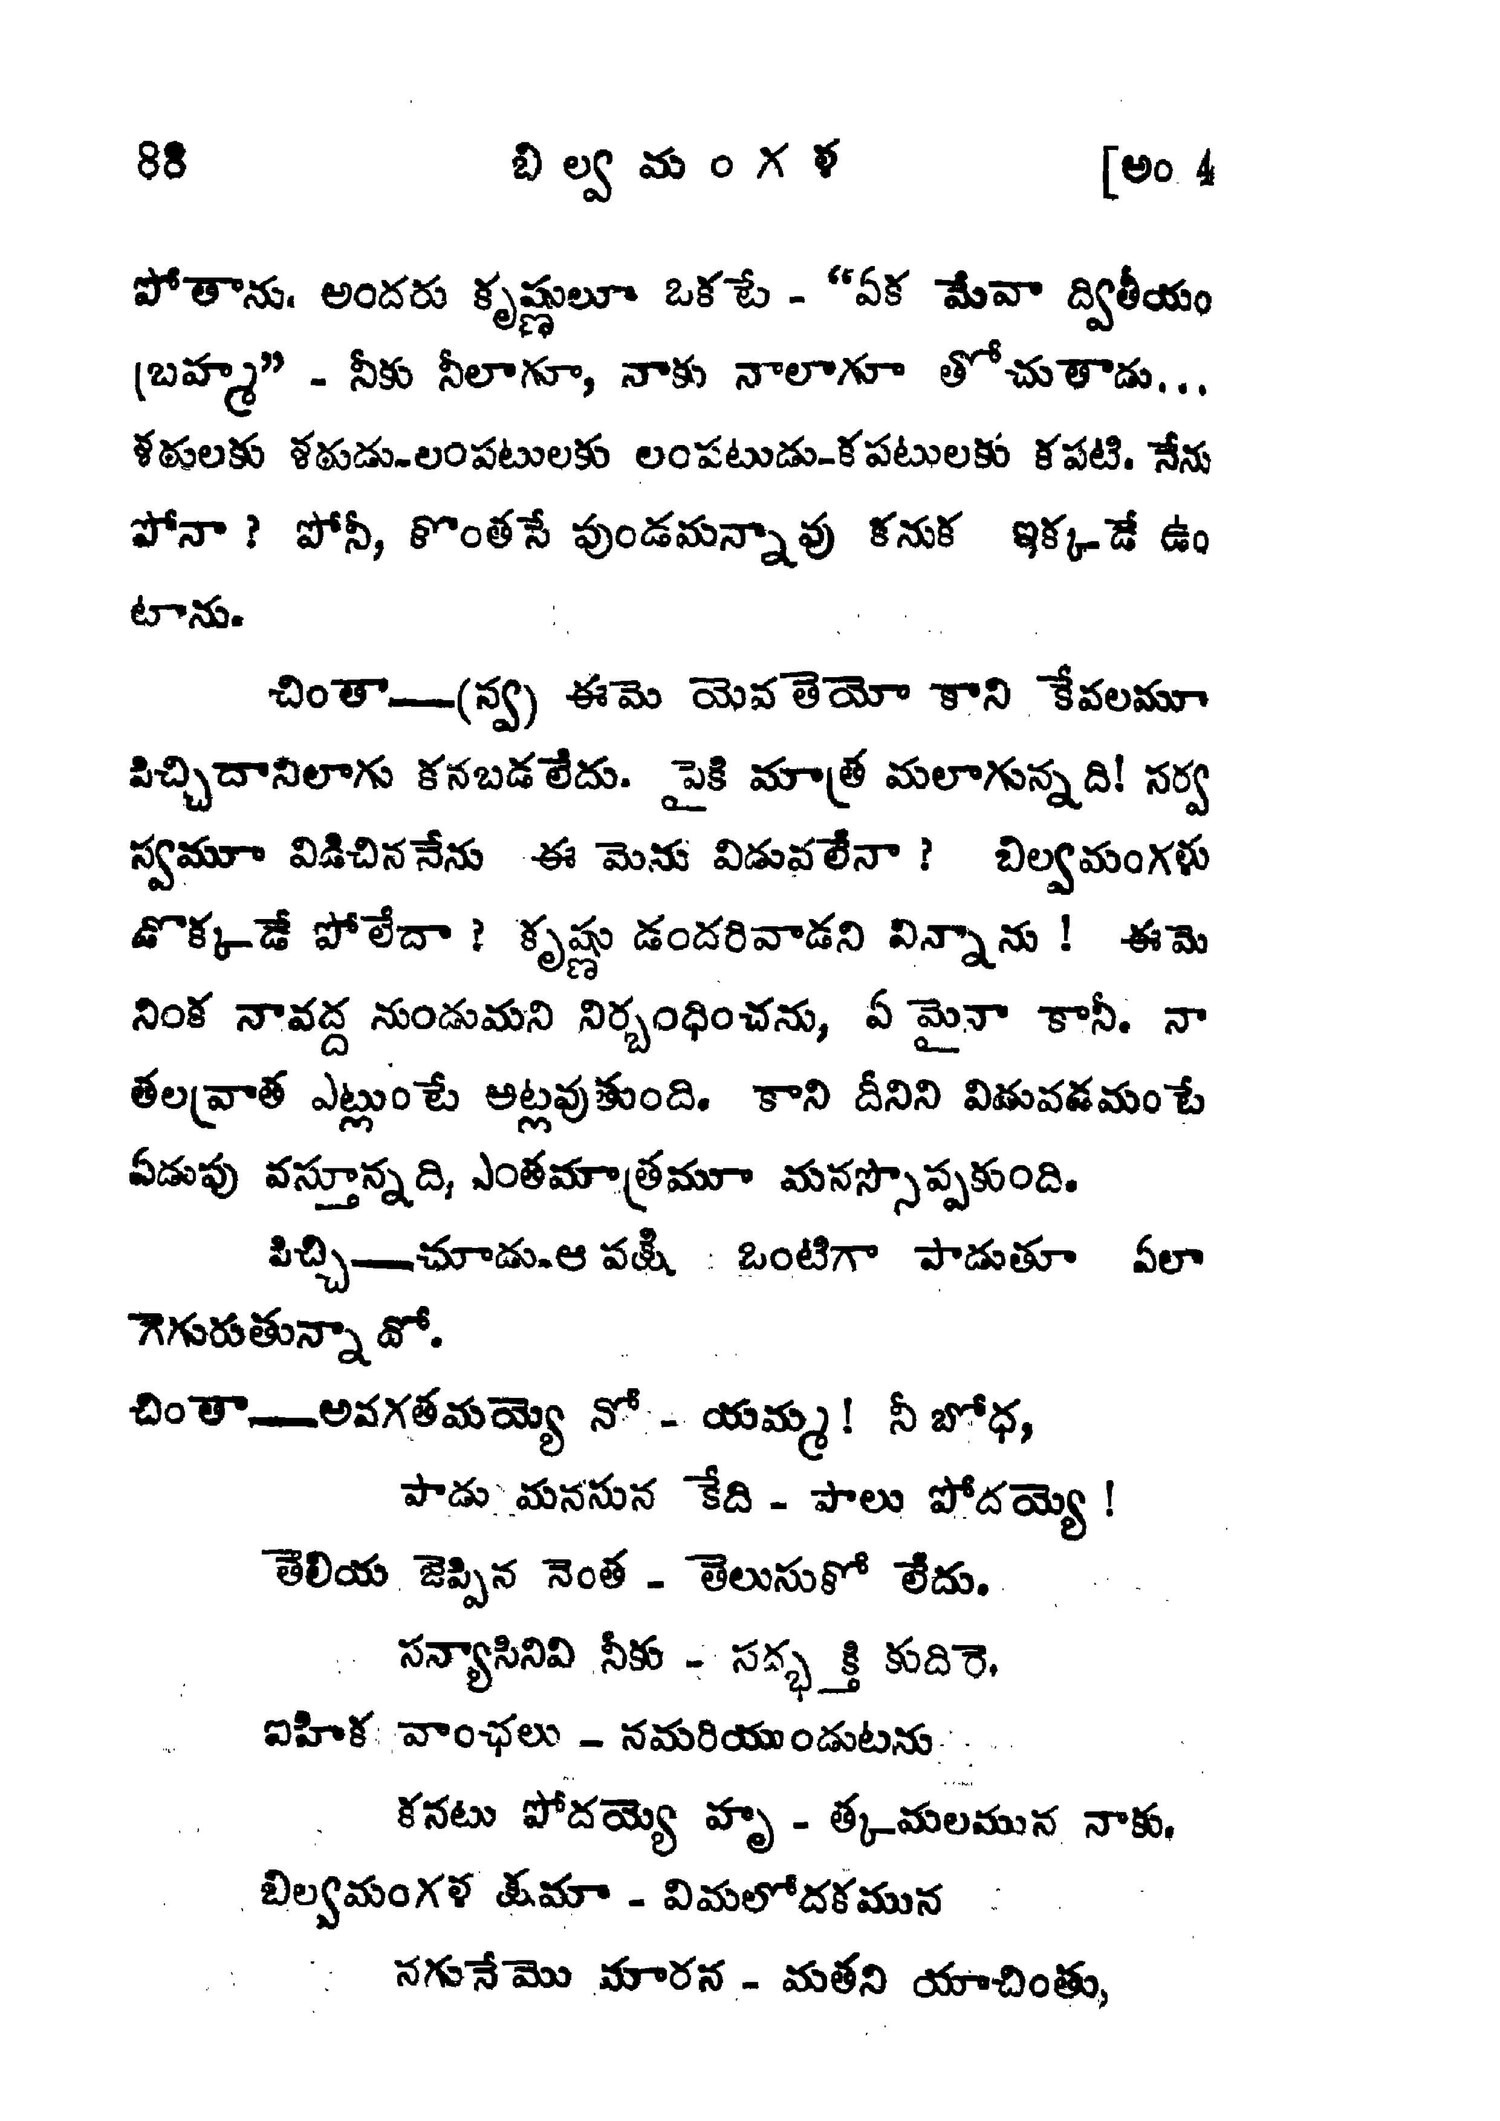పోతాను. అందరు కృష్ణులూ ఒకటే - "ఏక మేవా ద్వితీయం బ్రహ్మ" - నీకు నీలాగూ, నాకు నాలాగూ తోచుతాడు... శఠులకు శఠుడు-లంపటులకు లంపటుడు-కపటులకు కపటి. నేను పోనా? పోనీ, కొంతసే వుండమన్నావు కనుక ఇక్కడే ఉంటాను.

చింతా - (స్వ) ఈమె యెవతయో కాని కేవలమూ పిచ్చిదానిలాగు కనబడలేదు. పైకి మాత్ర మలాగున్నది! సర్వస్వమూ విడిచిననేను ఈ మెను విడువలేనా ? బిల్వమంగళు డొక్కడే పోలేదా ? కృష్ణు డందరివాడని విన్నాను! ఈమె నింక నావద్ద నుండుమని నిర్బంధించను, ఏ మైనా కానీ. నా తలవ్రాత ఎట్లుంటే అట్లవుతుంది. కాని దీనిని విడువడమంటే ఏడుపు వస్తూన్నది, ఎంతమాత్రమూ మనస్సొప్పకుంది.

పిచ్చి - చూడు. ఆపక్షి ఒంటిగా పాడుతూ ఏలా గెగురుతున్నాదో.

 చింతా - అవగతమయ్యె నో - యమ్మ ! నీ బోధ,
 పాడు మనసున కేది - పాలు పోదయ్యె !
 తెలియ జెప్పిన నెంత - తెలుసుకో లేదు.
 సన్యాసినివి నీకు - సద్భక్తి కుదిరె.
 ఐహిక వాంఛలు - నమరియుండుటను
 కనటు పోదయ్యె హృ - త్కమలమున నాకు.
 బిల్వమంగళ క్షమా - విమలోదకమున
 నగునేమొ మారన - మతిని యాచింతు,